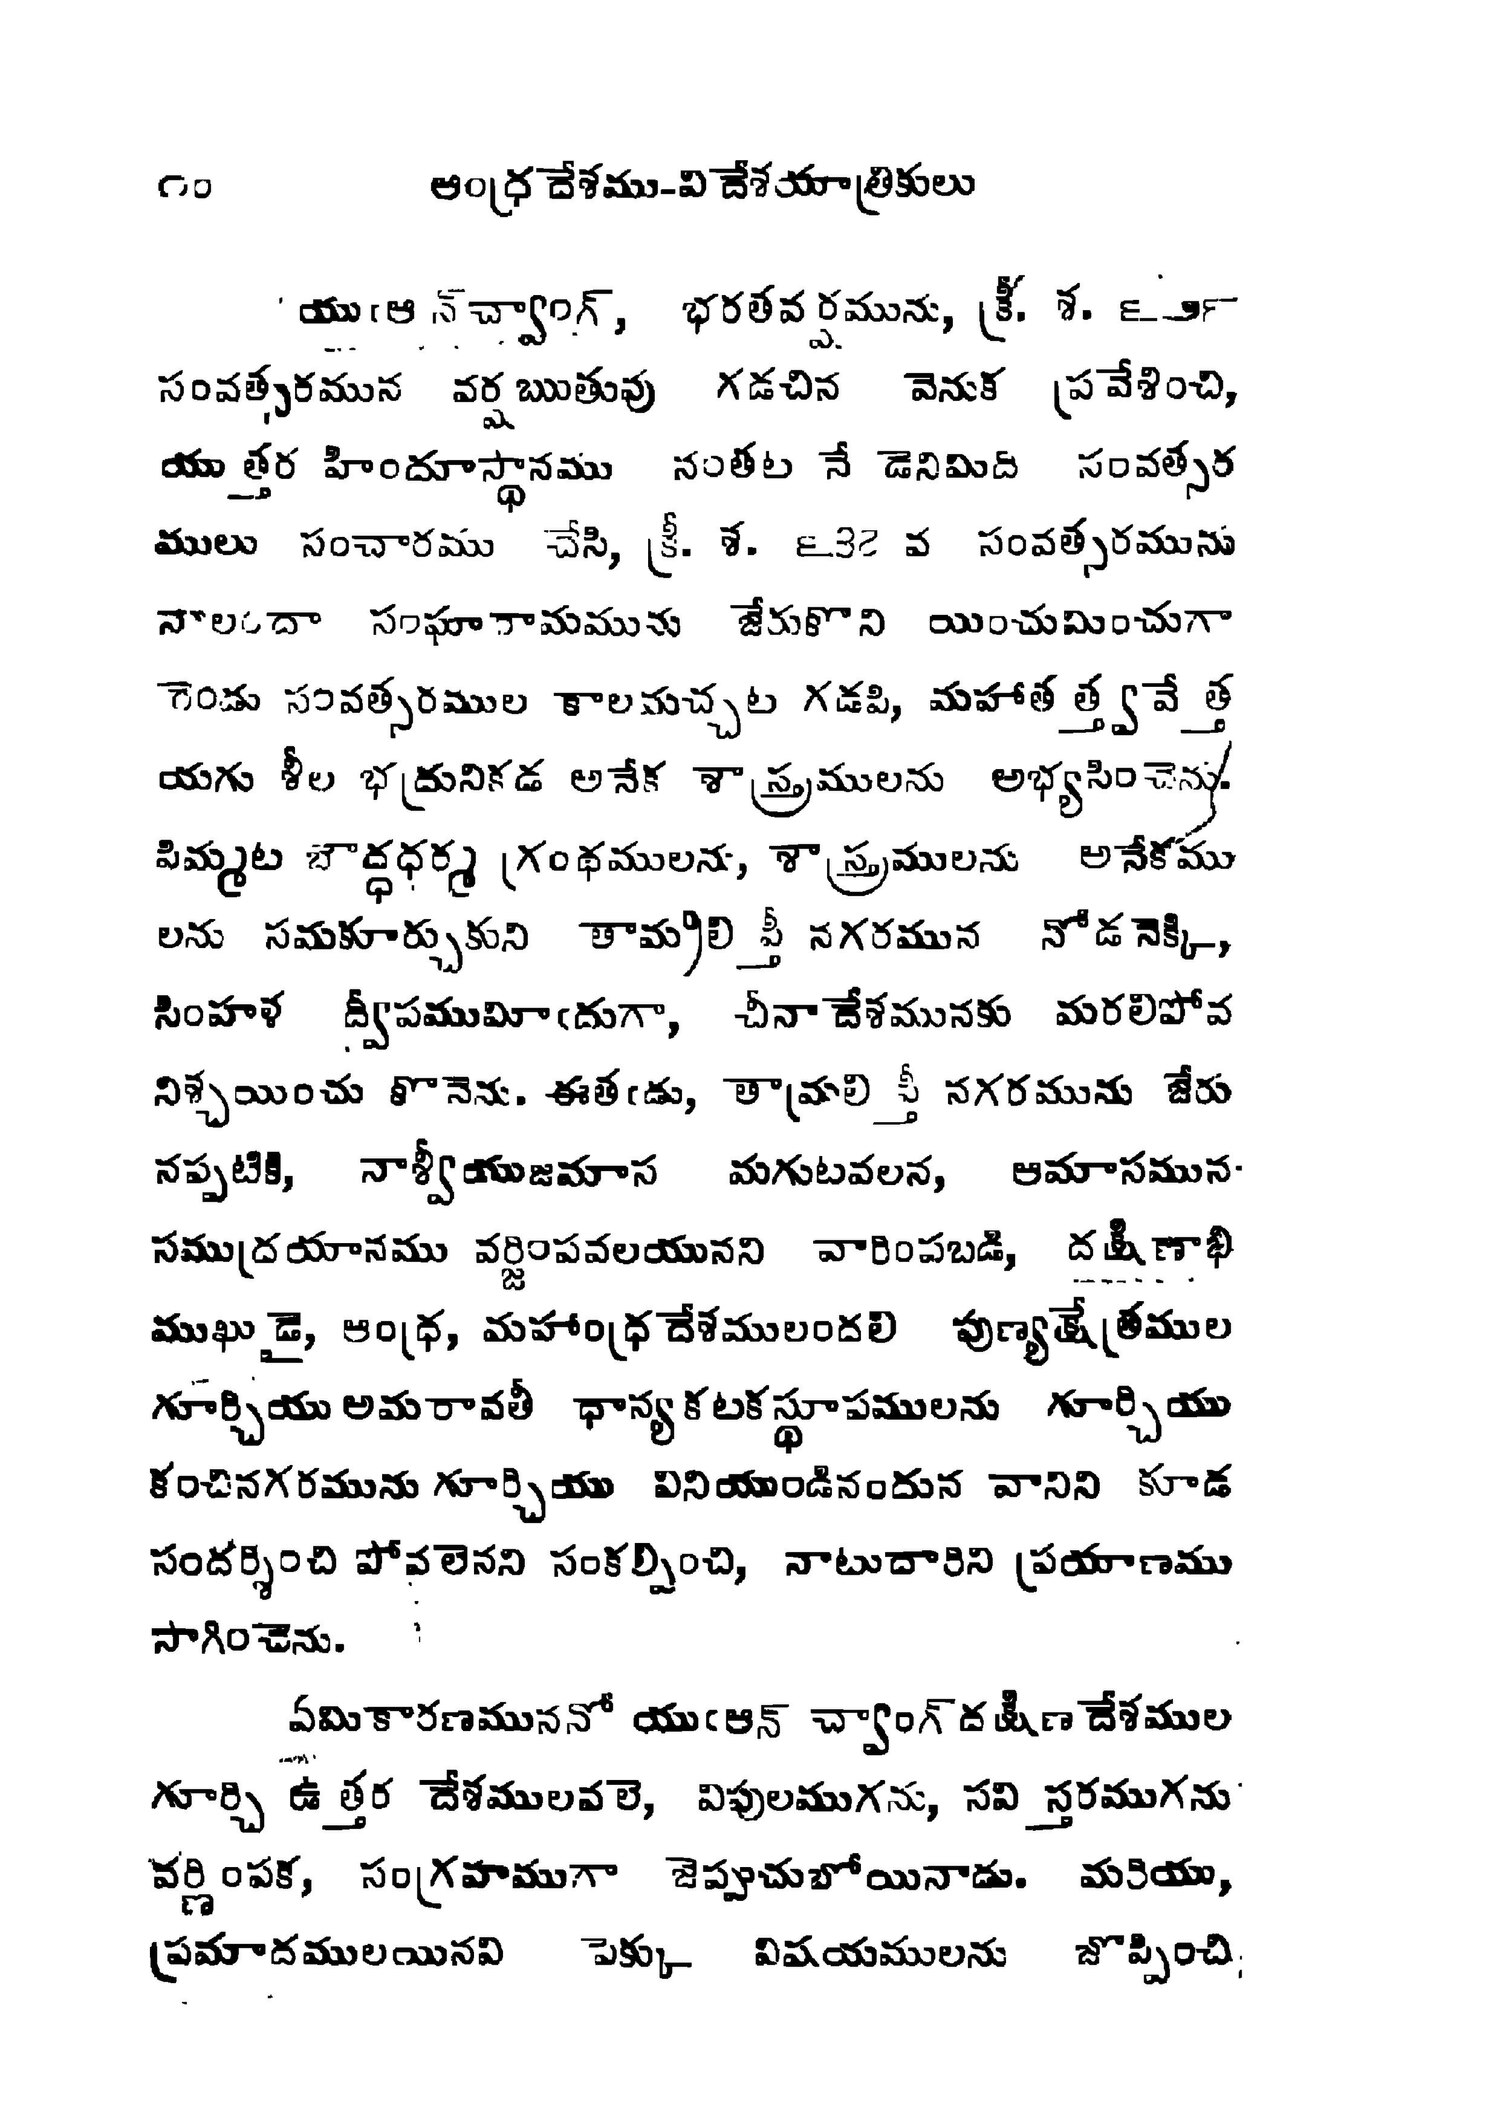యుఁఆన్‌ చ్వాంగ్‌ భరతవర్షమును, క్రీ. శ. ౬౨౯ సంవత్సరమున వర్షఋతువు గడచిన వెనుక ప్రవేశించి, యుత్తర హిందూస్థానము నంతట నేడెనిమిది సంవత్సరములు సంచారము చేసి, క్రీ. శ. ౬౩౭ వ సంవత్సరమును నాలందా సంఘారామమును జేరుకొని యించుమించుగా రెండు సంవత్సరముల కాలమచ్చట గడపి, మహాతత్వవేత్త యగు శీల భద్రునికడ అనేక శాస్త్రములను అభ్యసించెను. పిమ్మట బౌద్ధధర్మ గ్రంథములను, శాస్త్రములను అనేకములను సమకూర్చుకుని తామ్రలిప్తీ నగరమున నోడనెక్కి, సింహళ ద్వీపముమిాదుగా, చీనా దేశ మునకు మరలిపోవ నిశ్చయించుకొనెను. ఈతఁడు తామ్రలిప్తీ నగరమును జేరునప్పటికి, నాశ్వీయుజమాస మగుటవలన, ఆమాసమున సముద్రయానము వర్జింపవలయునని వారింపబడి, దక్షిణాభిముఖుడై, ఆంధ్ర, మహాంధ్ర దేశములందలి పుణ్యక్షేత్రముల గూర్చియు అమరావతీ ధాన్యకటక స్థూపములను గూర్చియు కంచి నగరమును గూర్చియు వినియుండినందున వానిని కూడ సందర్శించి పోవవలెనని సంకల్పించి, నాటుదారిని ప్రయాణము సాగించెను.

ఏమి కారణముననో యుఁఆన్‌ చ్వాంగ్‌ దక్షిణదేశములగూర్చి ఉత్తరదేసములవలె, విపులముగను, సవిస్తరముగను వర్ణింపక, సంగ్రహముగా జెప్పుచు బోయినాడు. మరియు, ప్రమాదములయినవి పెక్కు విషయములను జొప్పించి